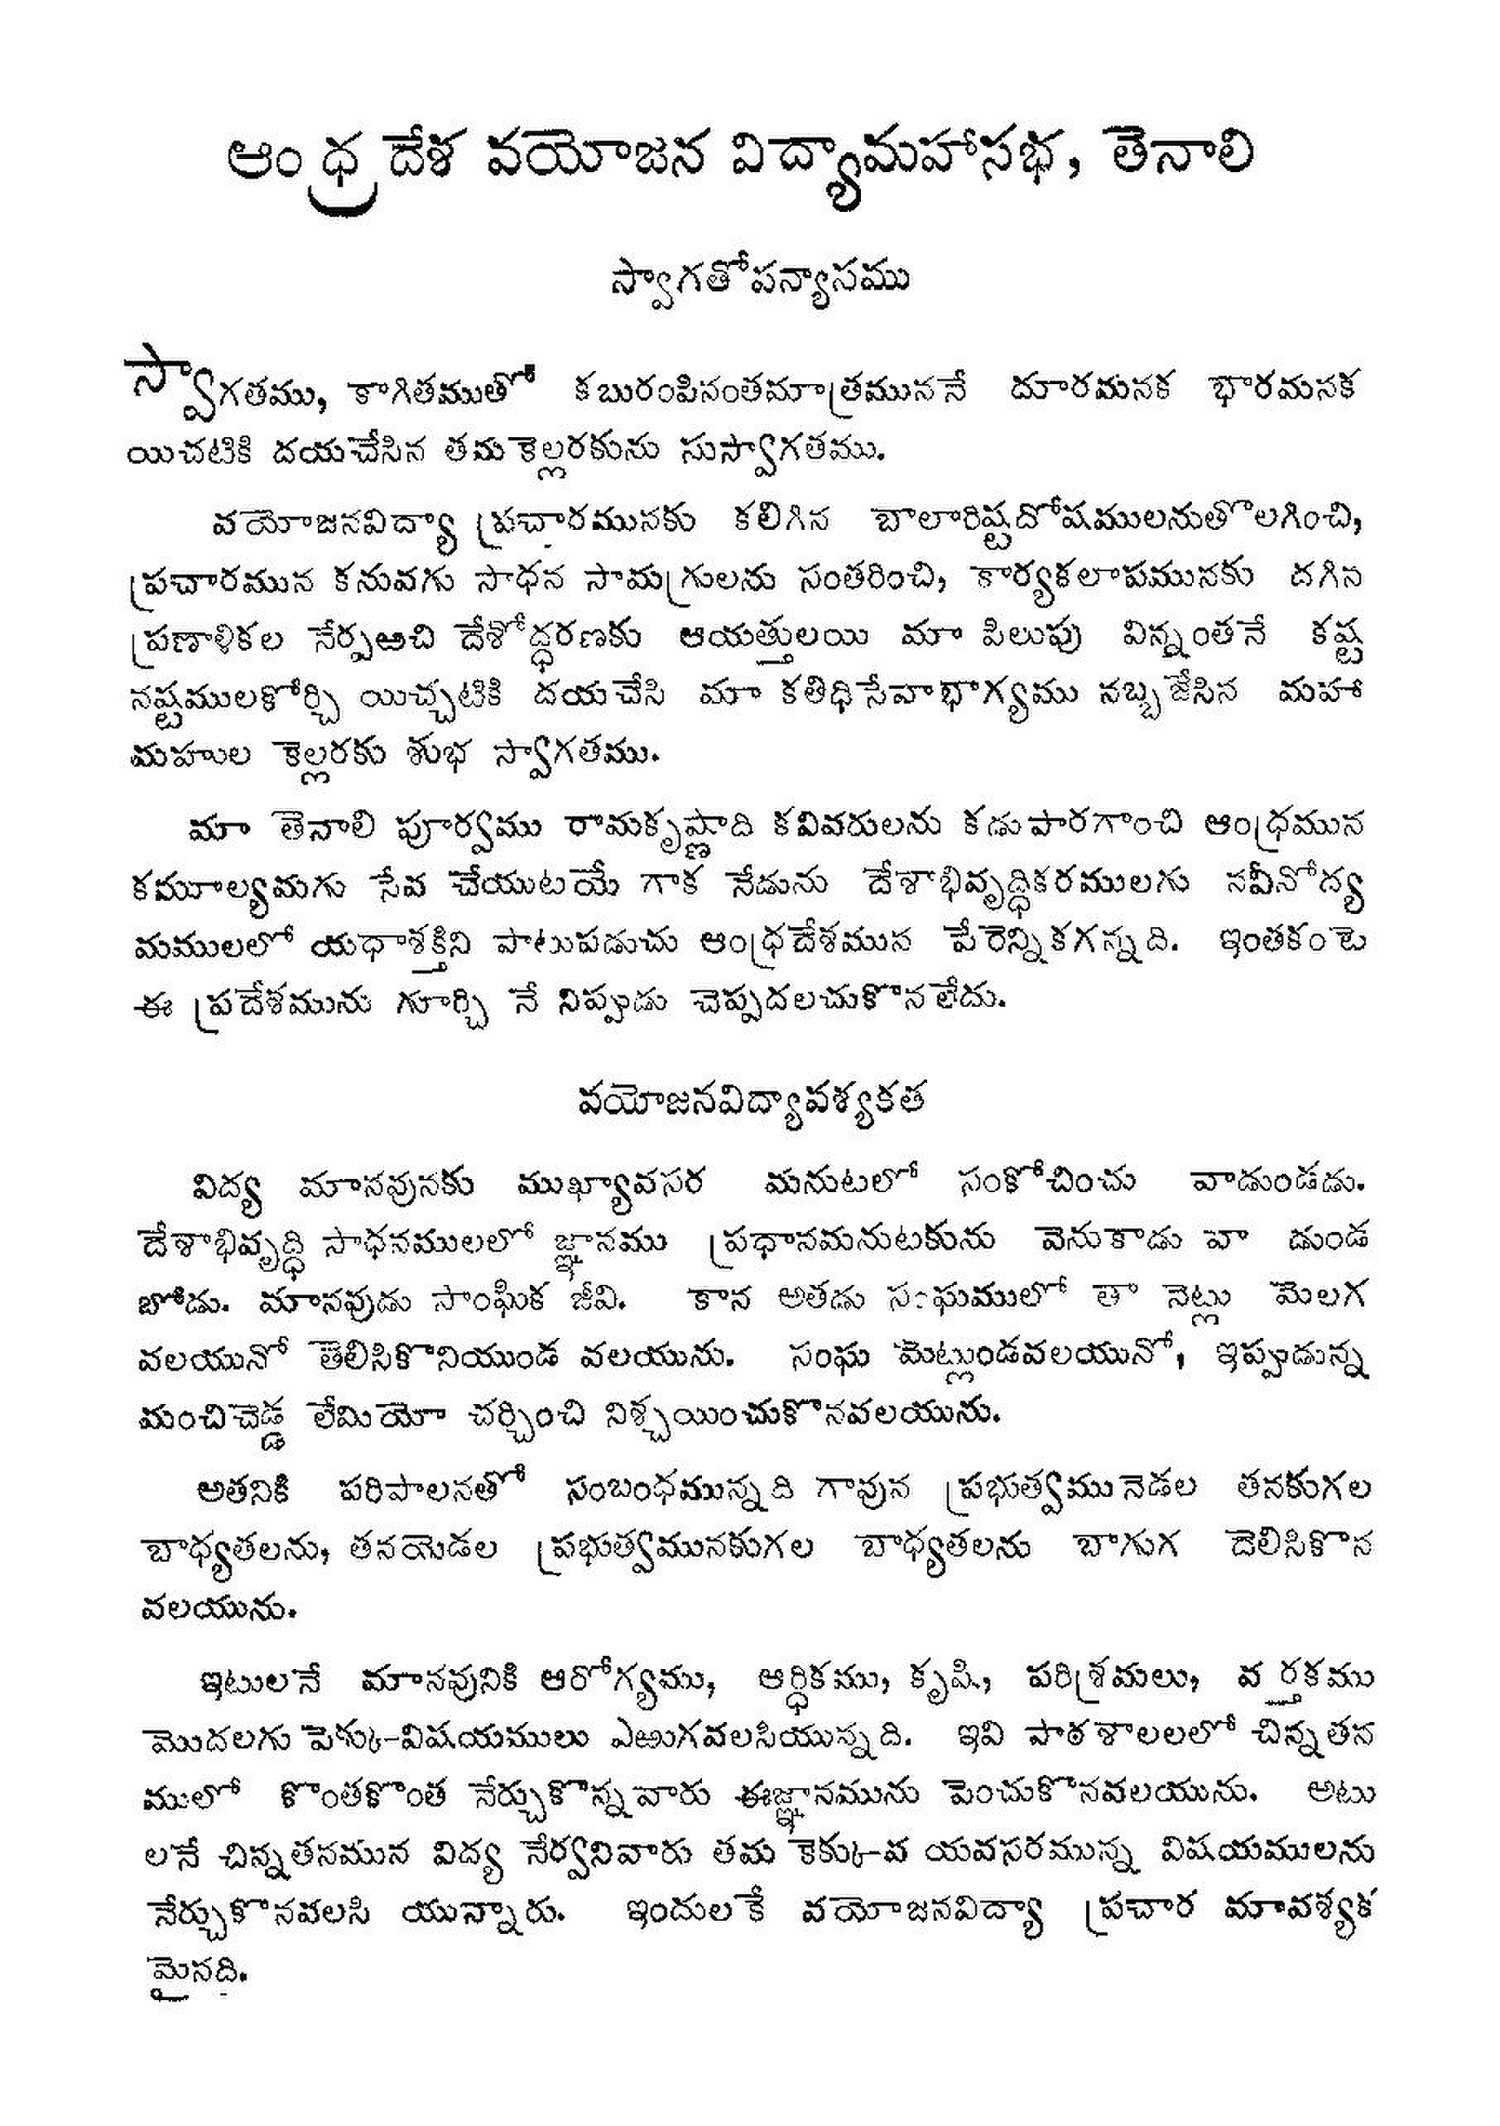స్వాగతము, కాగితముతో కబురంపినంతమాత్రముననే దూరమనక భారమసక యిచటికి దయచేసిన తమ కెల్లరకును 
సుస్వాగతము.

వయోజనవిద్యా ప్రచారమునకు కలిగిన బాలారిష్ట దోషములనుతొలగించి, ప్రచారమున కనువగు సాధన సామగ్రులను 
సంతరించి, కార్యకలాపమునకు దగిన ప్రణాళికల నేర్పఱచి దేశోద్ధరణకు ఆయత్తులయి మా పిలుపు విన్నంతనే కష్ట
నష్టములకోర్చి యిచ్చటికి దయచేసి మా కతిధిసేవాభాగ్యము సబ్బజేసిన మహామహుల కెల్లరకు శుభ స్వాగతము.

మా తెనాలి పూర్వము రామకృష్ణాది కవివరులను కడుపారగాంచి ఆంధ్రమున కమూల్యమగు సేవ చేయుటయే గాక 
నేడును దేశాభివృద్ధికరములగు నవీనోద్యమములలో యధాశక్తిని పాటుపడుచు ఆంధ్రదేశమున పేరెన్నికగన్నది. 
ఇంతకంటె ఈ ప్రదేశమును గూర్చి నే నిప్పుడు చెప్పదలచుకొన లేదు.

విద్య మానవునకు ముఖ్యావసర మనుటలో సంకోచించు వాడుండడు. దేశాభివృద్ధి సాధనములలో జ్ఞానము 
ప్రధానమనుటకును వెనుకాడు వా డుండబోడు. మానవుడు సాంఘిక జీవి. కాన అతడు సంఘములో తా నెట్లు మెలగ
వలయునో తెలిసికొనియుండ వలయును. సంఘ మెట్లుండవలయునో, ఇప్పుడున్న మంచి చెడ్డ లేమియో చర్చించి నిశ్చయించుకొనవలయును.

అతనికి పరిపాలనతో సంబంధమున్నది గావున ప్రభుత్వము నెడల తనకుగల బాధ్యతలను, తనయెడల ప్రభుత్వమునకుగల
బాధ్యతలను బాగుగ దెలిసికొనవలయును.

ఇటులనే మానవునికి ఆరోగ్యము, ఆర్ధికము, కృషి, పరిశ్రమలు, వర్తకము మొదలగు పెక్కు విషయములు ఎఱుగవలసియున్నది. 
ఇవి పాఠశాలలలో చిన్నతనములో కొంతకొంత నేర్చుకొన్నవారు ఈజ్ఞానమును పెంచుకొనవలయును. అటులనే చిన్నతనమున 
విద్య నేర్వనివారు తమ కెక్కువ యవసరమున్న విషయములను నేర్చుకొనవలసి యున్నారు. ఇందులకే వయోజనవిద్యా 
ప్రచార మావశ్యకమైనది.